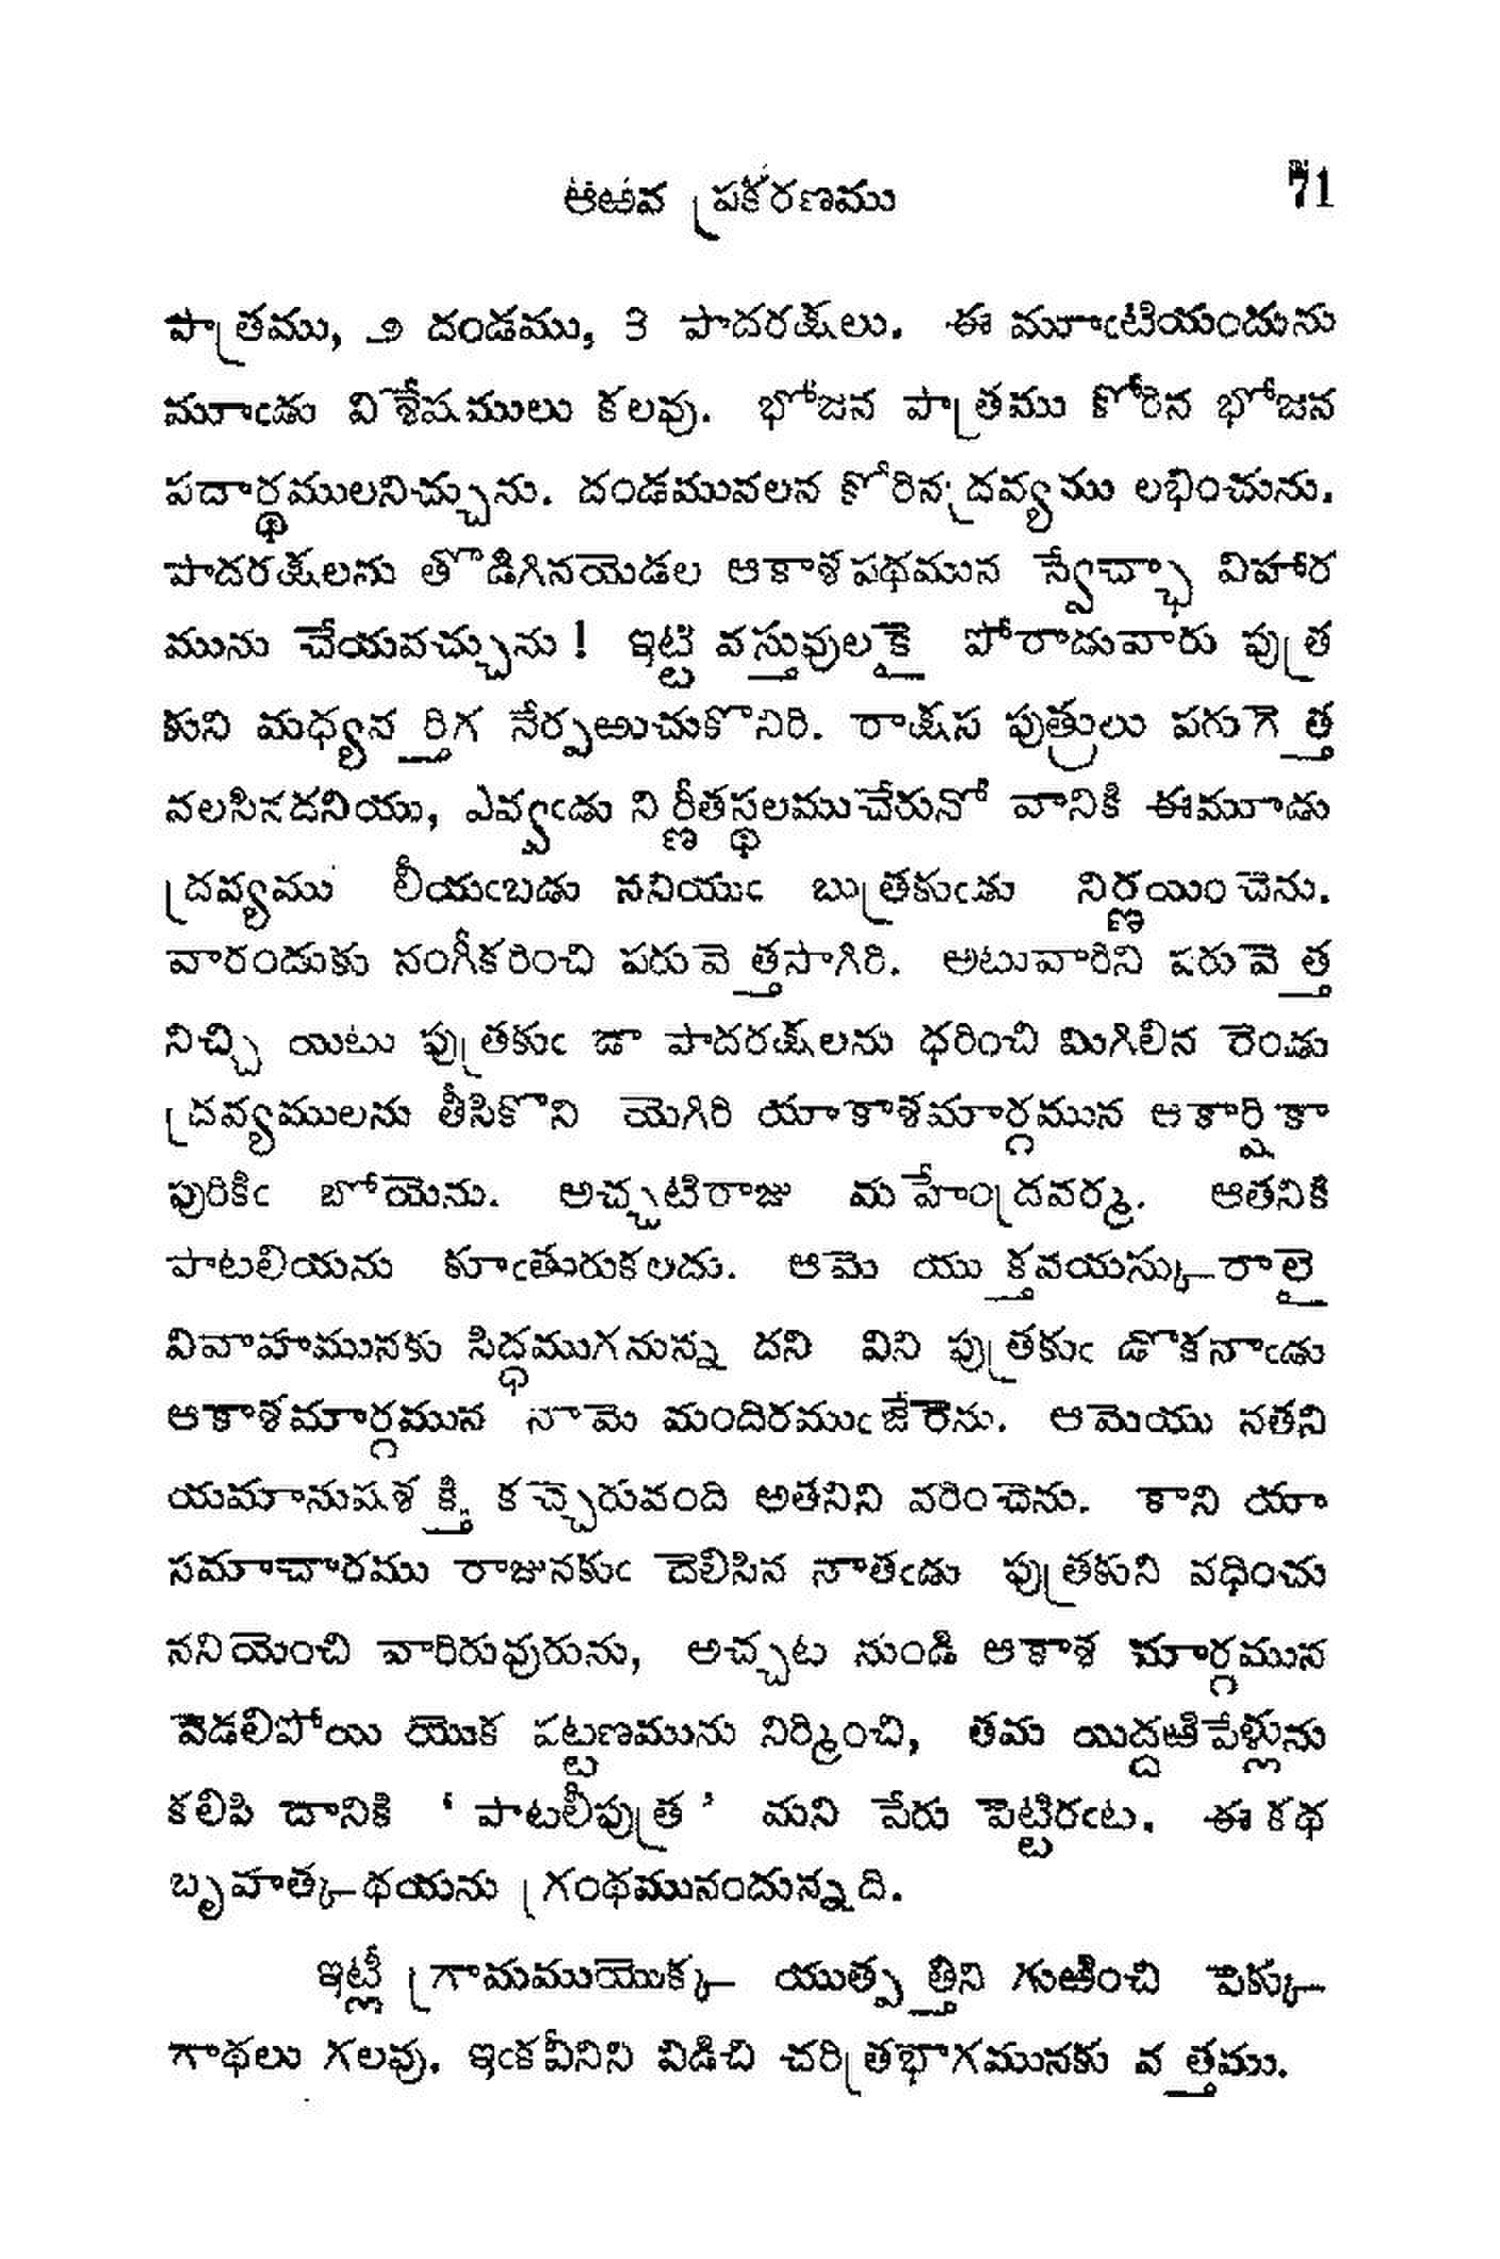పాత్రము, 2 దండము, 3 పాదరక్షలు. ఈ మూఁటియందును మూఁడు విశేషములు కలవు. భోజన పాత్రము కోరిన భోజన పదార్థములనిచ్చును. దండమువలన కోరిన ద్రవ్యము లభించును. పాదరక్షలను తొడిగినయెడల ఆకాశపథమున స్వేచ్చా విహారమును చేయవచ్చును! ఇట్టి వస్తువులకై పోరాడువారు పుత్రకుని మధ్యవర్తిగ నేర్పఱుచుకొనిరి. రాక్షస పుత్రులు పరుగెత్త వలసినదనియు, ఎవ్వఁడు నిర్ణీతస్థలముచేరునో వానికి ఈ మూడు ద్రవ్యము లీయఁబడు ననియుఁ బుత్రకుఁడు నిర్ణయించెను. వారందుకు నంగీకరించి పరువెత్తసాగిరి. అటువారిని పరువెత్త నిచ్చి యిటు పుత్రకుఁ డా పాదరక్షలను ధరించి మిగిలిన రెండు ద్రవ్యములను తీసికొని యెగిరి యాకాశమార్గమున ఆ కార్షికా పురికిఁ బోయెను. అచ్చటి రాజు మహేంద్రవర్మ. ఆతనికి పాటలియను కూఁతురుకలదు. ఆమె యుక్తవయస్కురాలై వివాహమునకు సిద్ధముగనున్న దని విని పుత్రకుఁ డొకనాఁడు ఆకాశమార్గమున నామె మందిరముఁ జేరెను. ఆమెయు నతని యమానుషశ క్తి, కచ్చెరువంది అతనిని వరించెను. కాని యా సమాచారము రాజునకుఁ దెలిసిన నాతఁడు పుత్రకుని వధించు ననియెంచి వారిరువురును, అచ్చట నుండి ఆకాశ మార్గమున వెడలిపోయి యొక పట్టణమును నిర్మించి, తమ యిద్దఱిపేళ్లును కలిపి దానికి 'పాటలీపుత్ర' మని పేరు పెట్టిరఁట, ఈ కథ బృహత్కథయను గ్రంథమునందున్నది.

ఇట్లీ గ్రామముయొక్క యుత్పత్తిని గుఱించి పెక్కుగాథలు గలవు. ఇఁక వీనిని విడిచి చరిత్రభాగమునకు వత్తము.